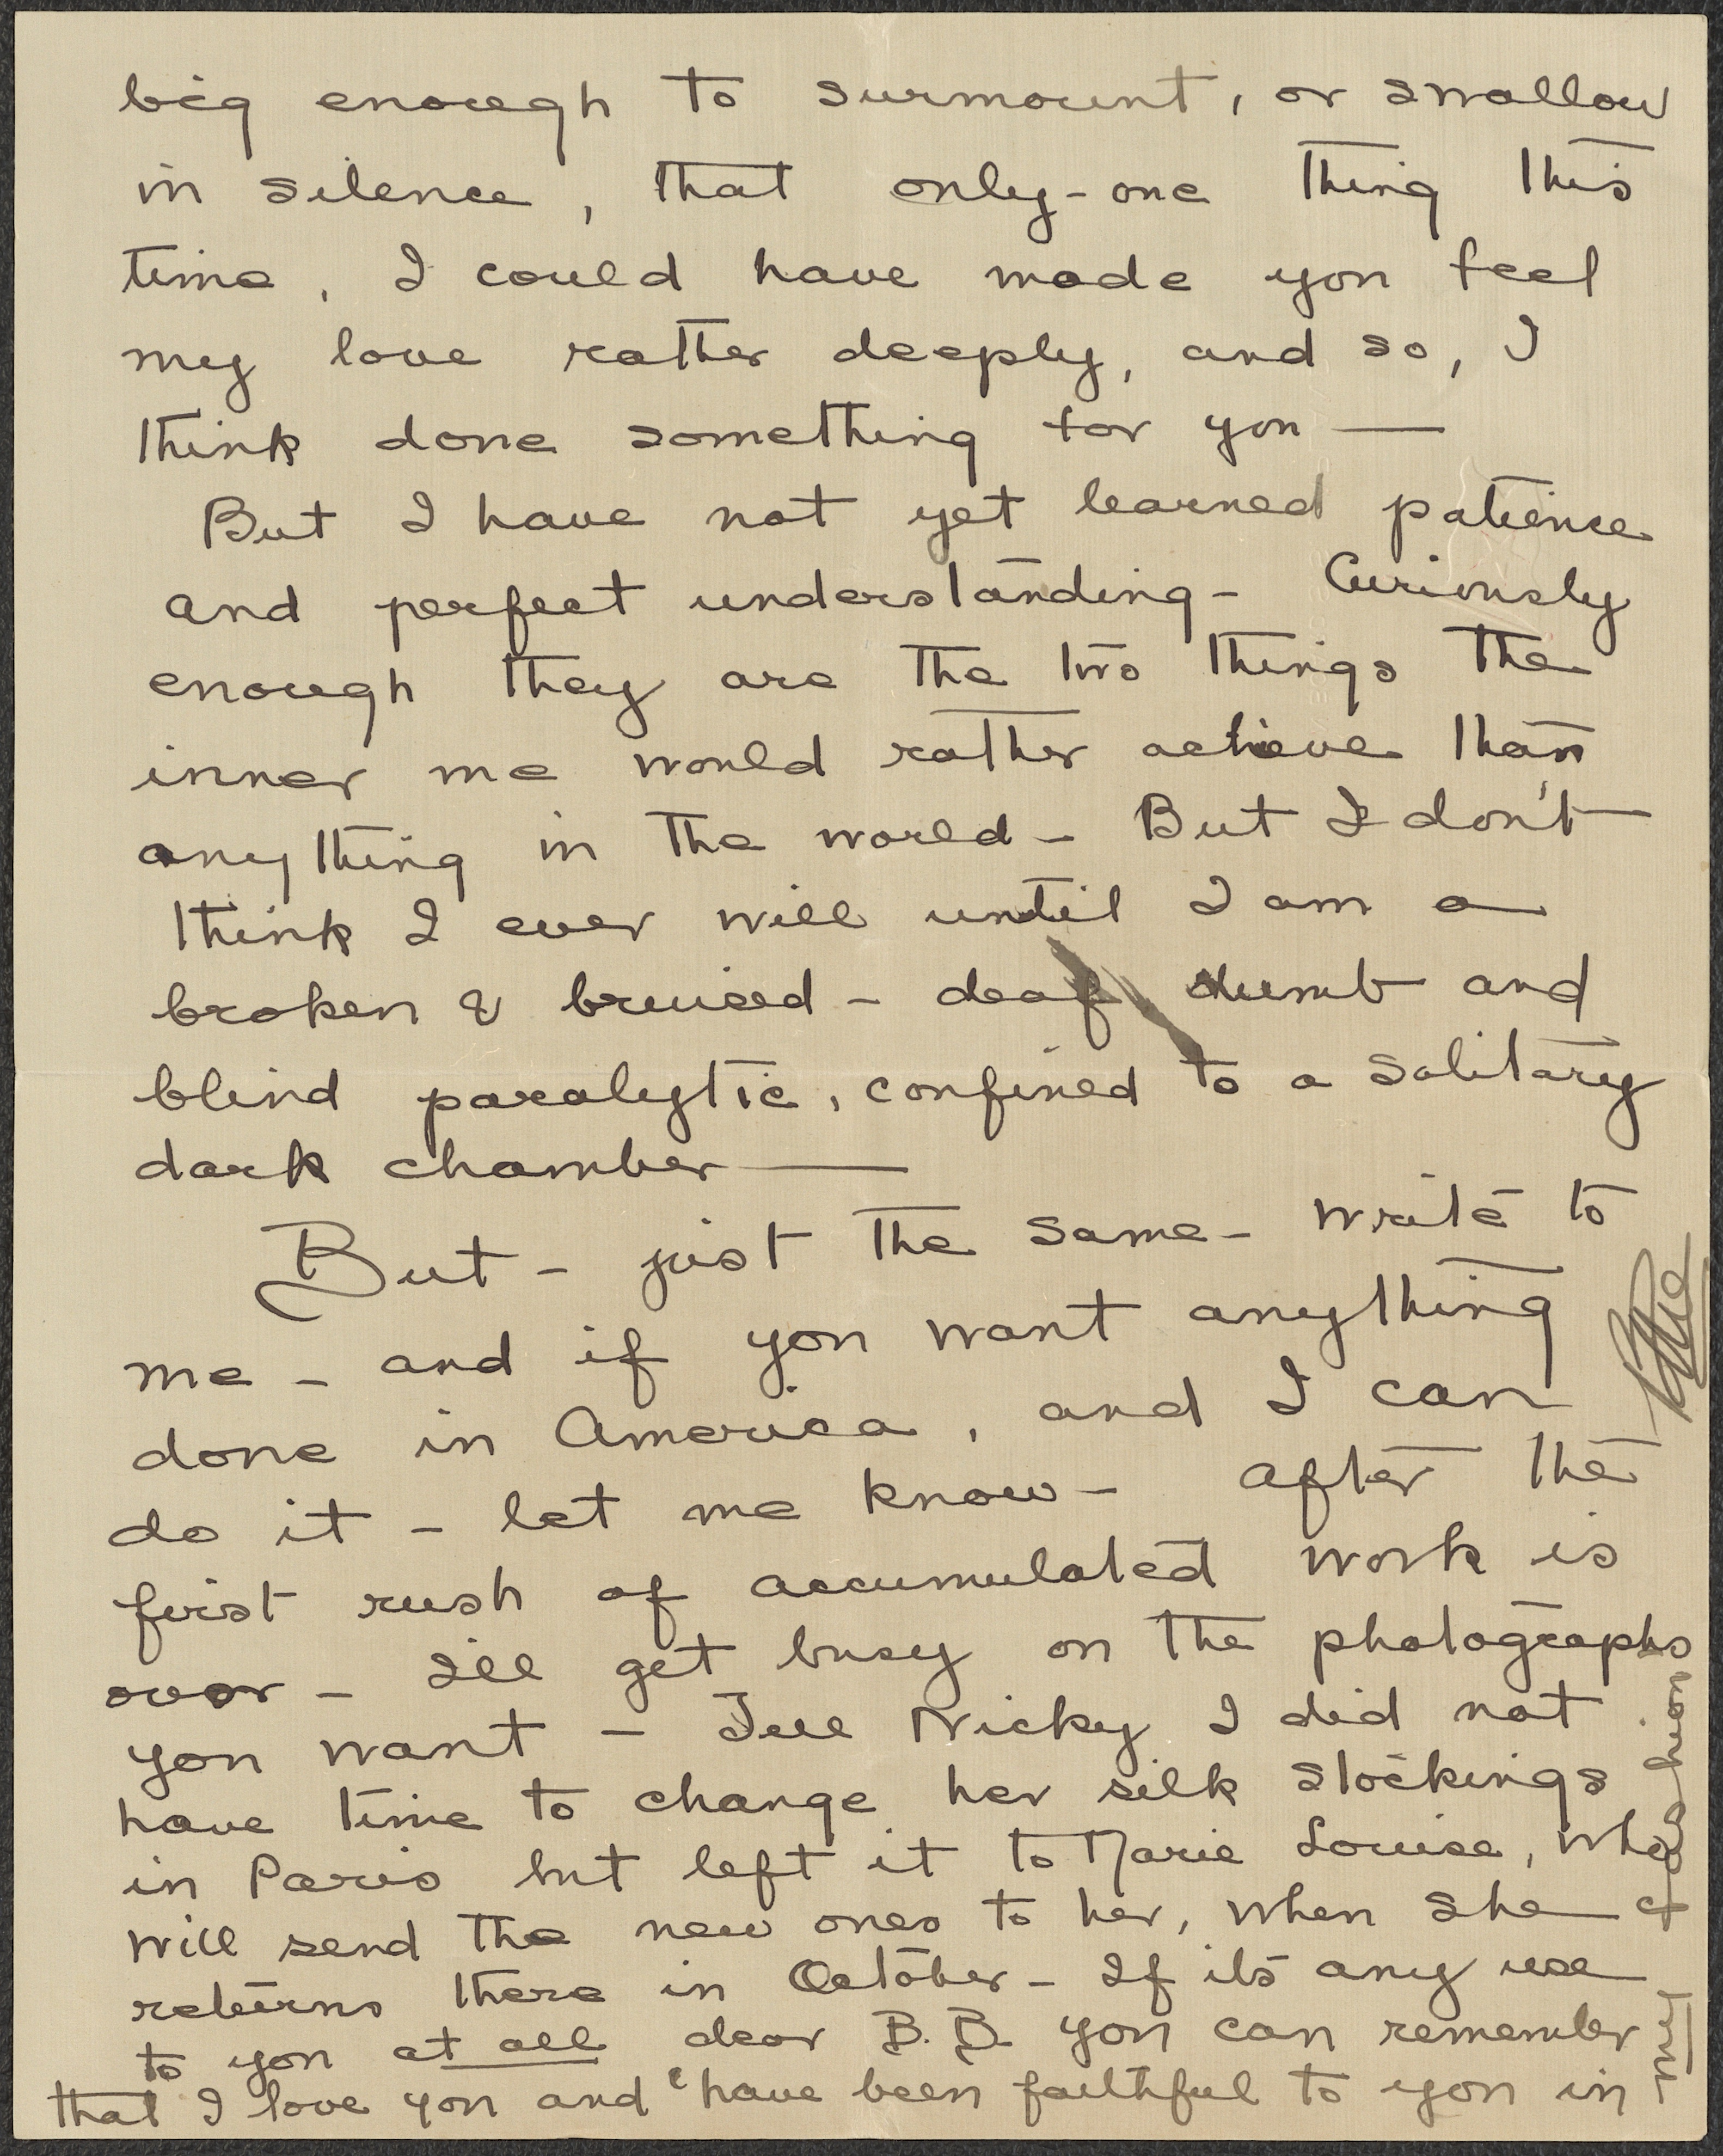big enough to surmount, or swallow in silence, that, only-one thing this time, I could have made you feel my love rather deeply and so, I think done something for you –
But I have not yet learned patience and perfect understanding – Curiously enough they are the two things the inner me would rather achieve than anything in the world – But I don’t think I ever will until I am a broken & bruised – deaf dumb and blind paralytic, confined to a solitary dark chamber –
But – just the same – write to me – and if you want anything done in America, and I can do it – let me know – after the first rush of accumulated work is over – I’ll get busy on the photographs you want – Tell Nicky I did not have time to change her silk stockings in Paris but left it to Marie Louise, who will send the new ones to her, when she returns there in October – if it’s any use to you at all dear B.B you can remember that I love you and ‘have been faithful to you in
[On the lower right margin: my fashion’ Belle]